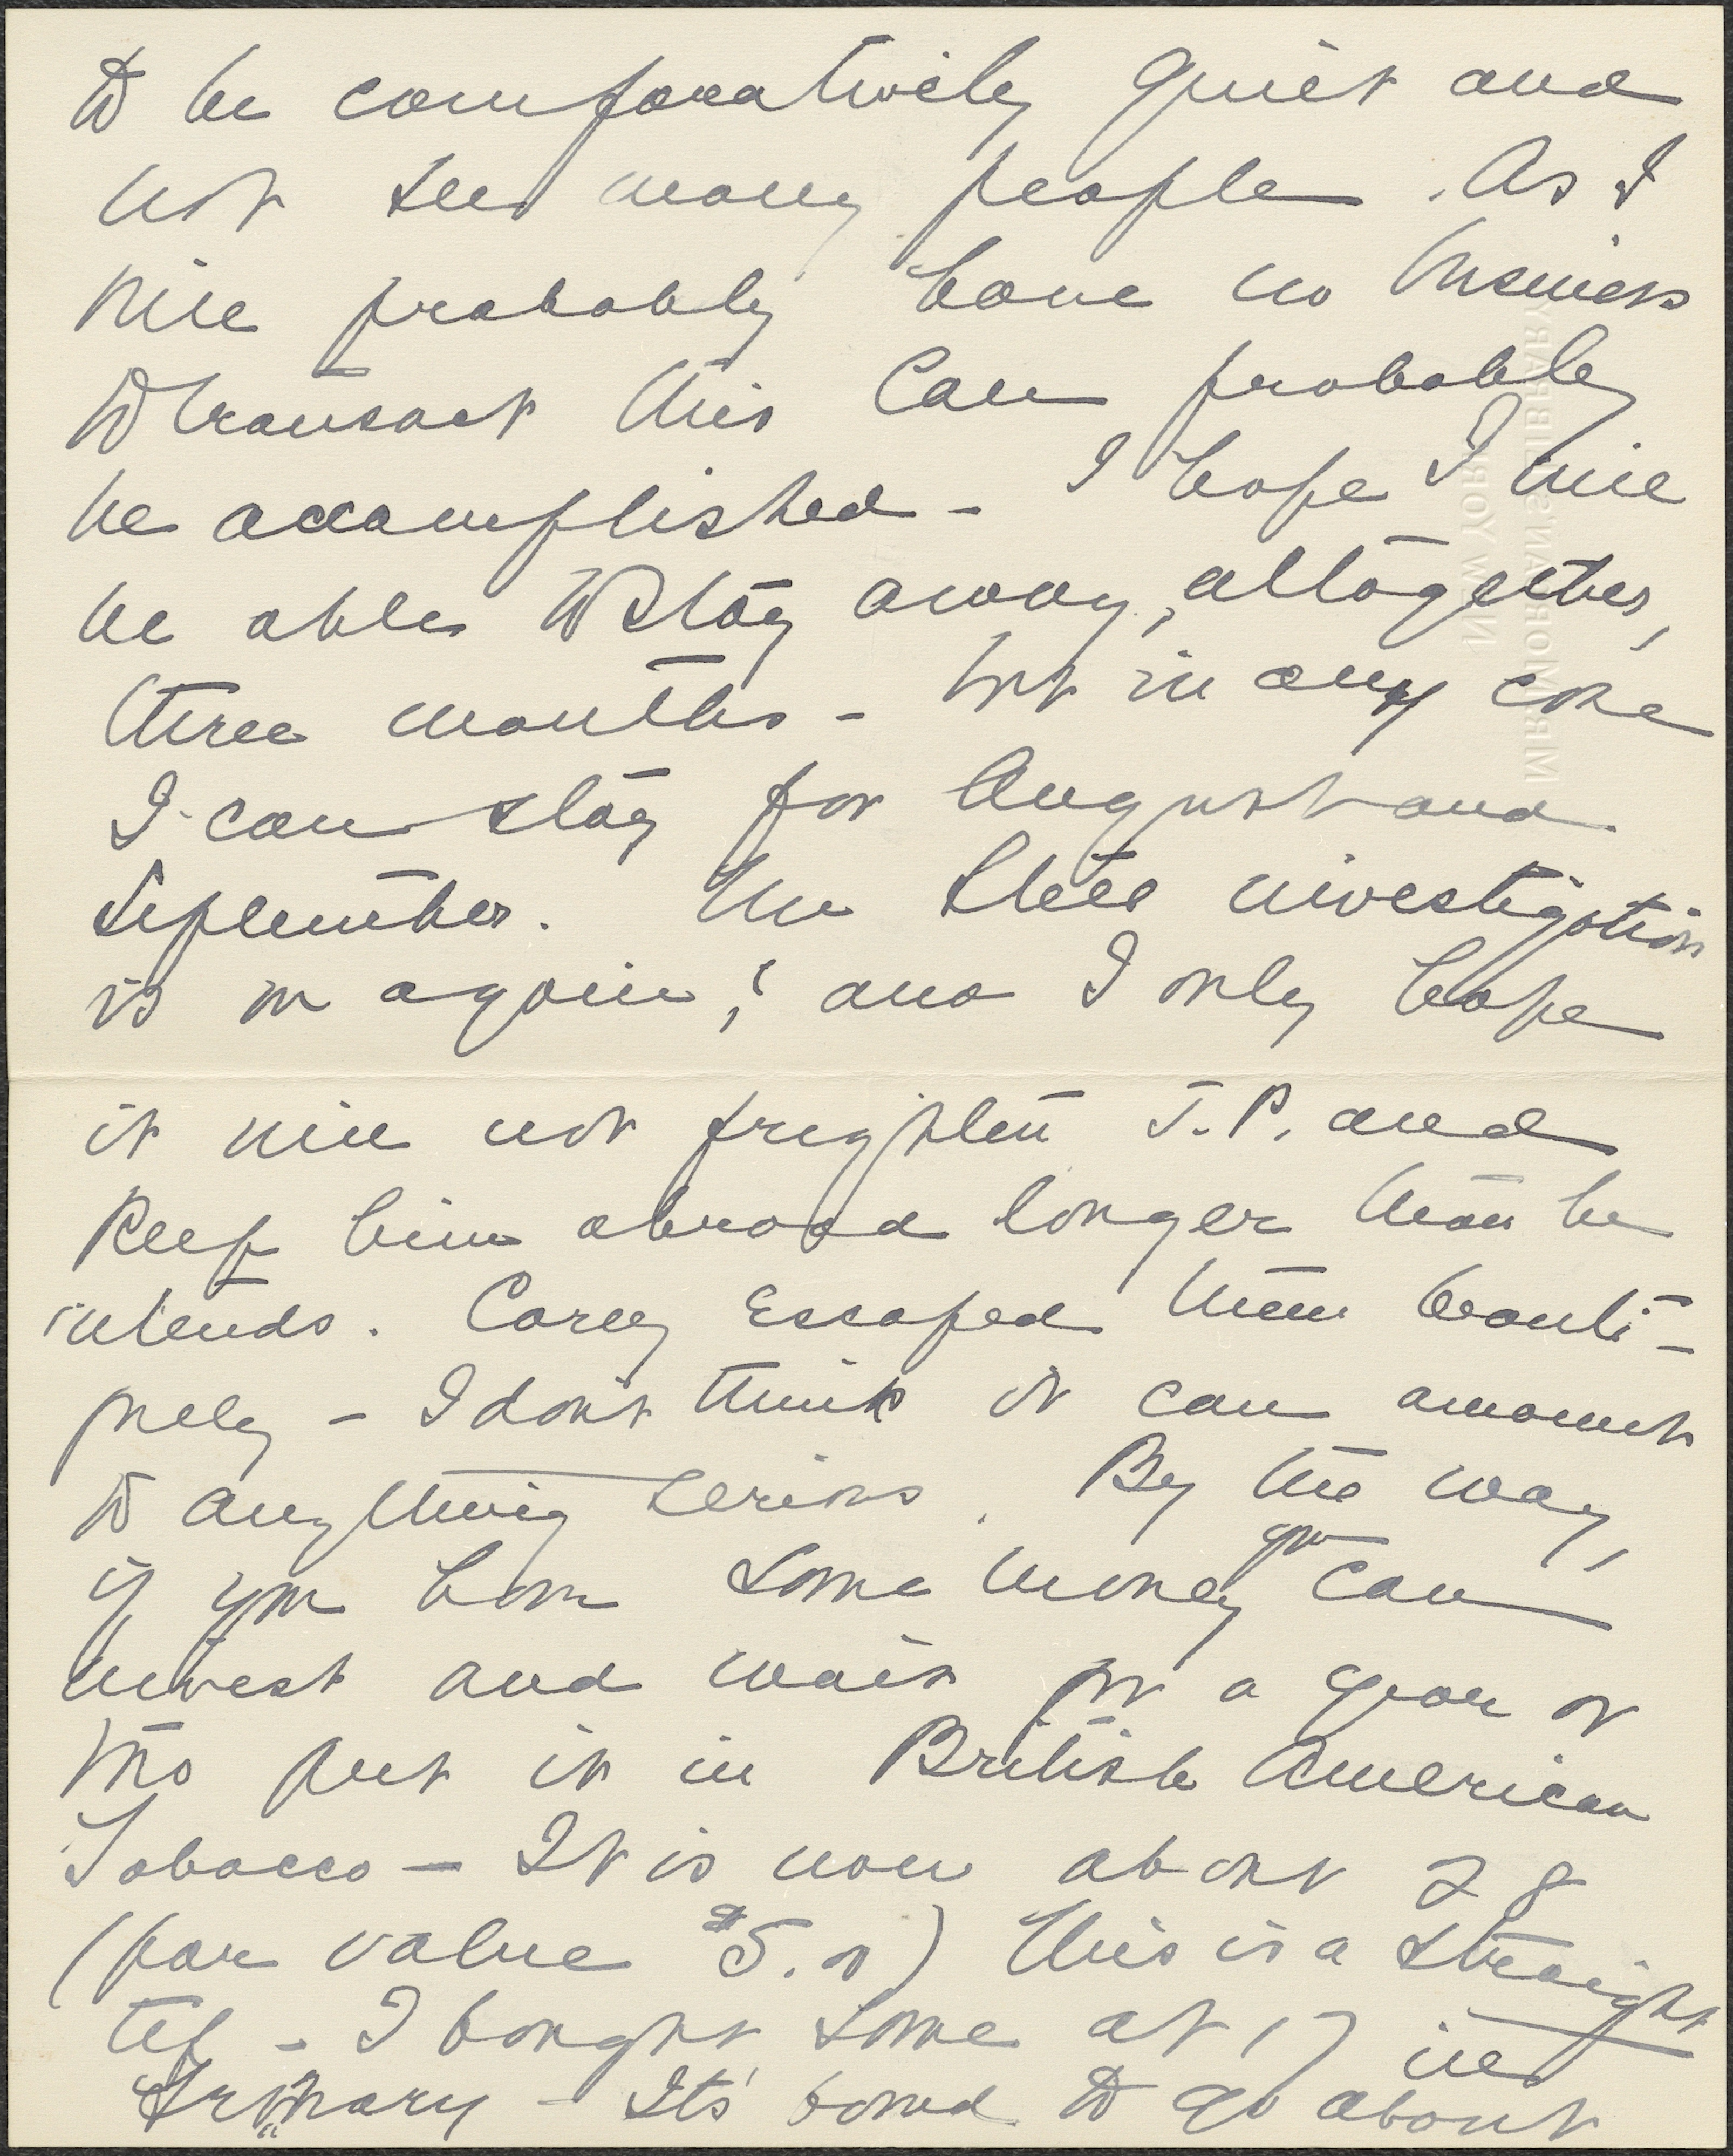to be comparatively quiet and not see many people. As I will probably have no business to transact this can probably be accomplished – I hope I will be able to stay away, altogether, three months – but in any case I can stay for August and September. The steel investigation is on again, and I only hope it will not frighten J. P. and keep him abroad longer than he intends. Corey escaped them beautifully – I don’t think it can amount to anything serious. By the way, if you have some money [^you^] can invest and wait for a year or two put it in British American Tobacco – It is now about 28 (par value $5.00) This is a straight tip – I bought some at 17 in February – It’s bound to go about